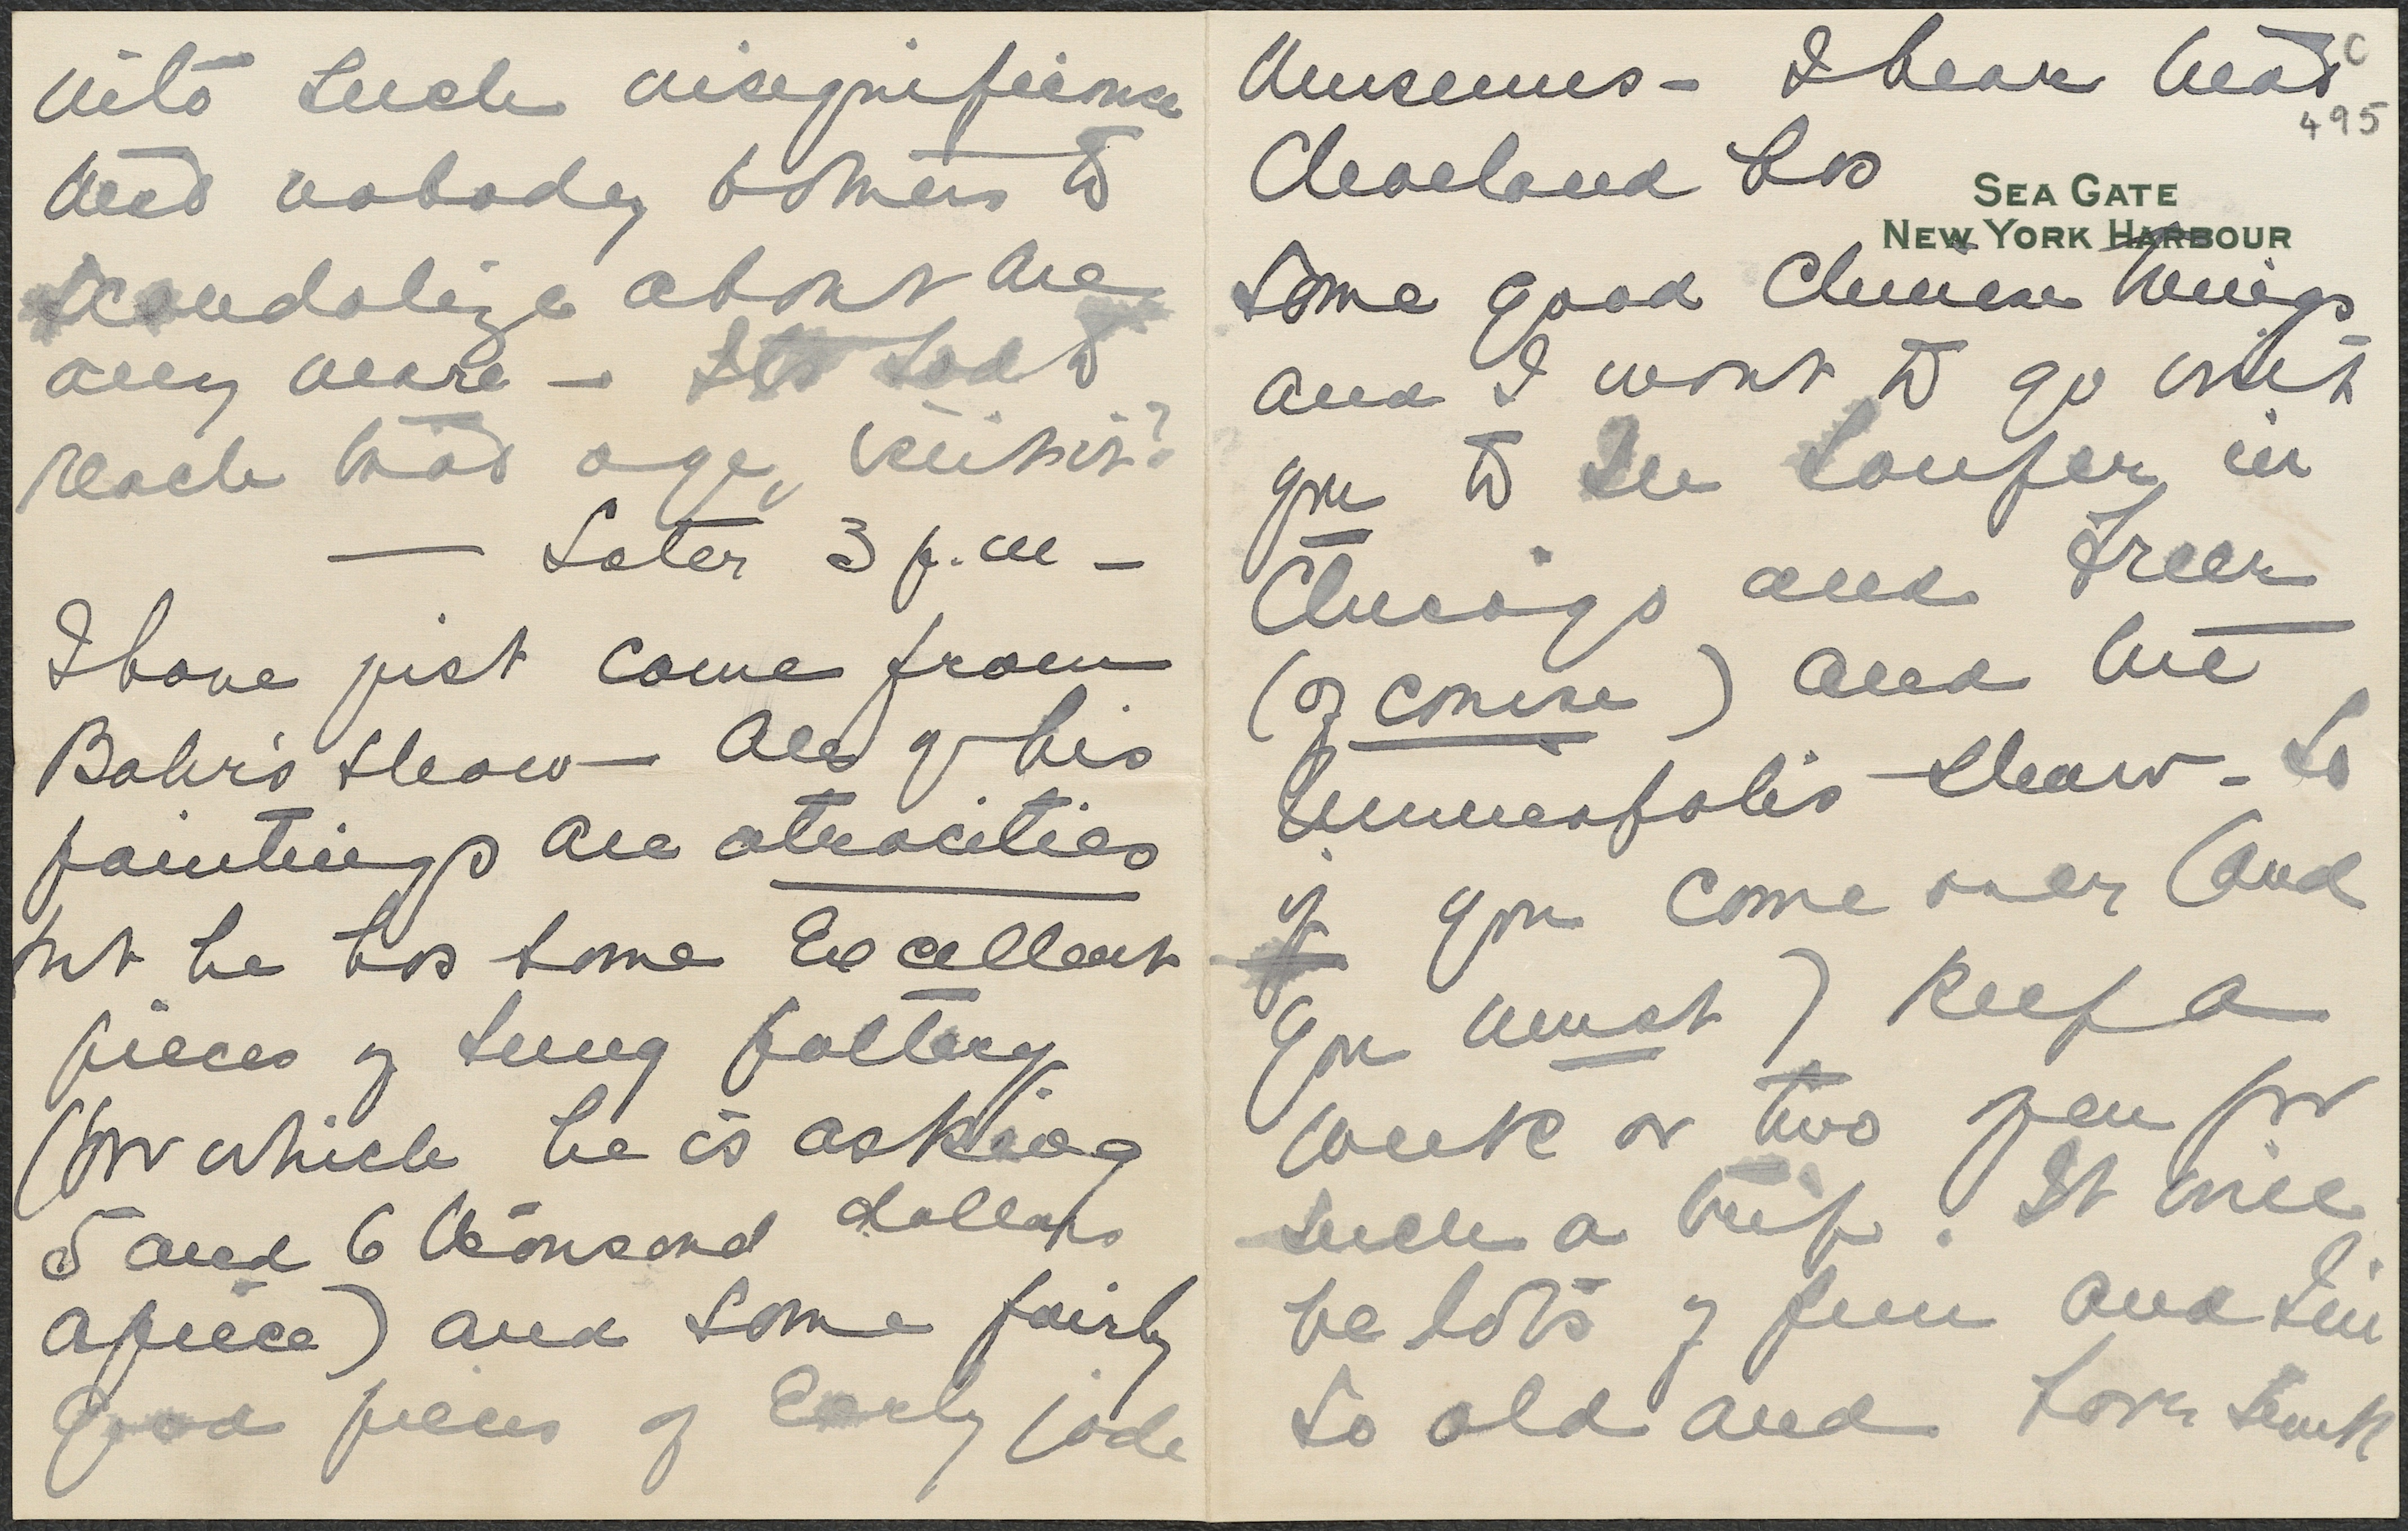Museums – I hear that Cleveland has some good Chinese things and I want to go with you to see Laufer in Chicago and Freer (of course) and the Minneapolis show – So if you come over (and you must) keep a week or two open for such a trip. It will be lots of fun and I'm so old and have sunk
into such insignificance that nobody bothers to scandalize about me any more – It's sad to reach that age, isn't it?
––––Later 3 p.m –
I have just come from Bahr's show – All of his paintings are atrocities but he has some excellent pieces of Sung pottery (for which he is asking 5 and 6 thousand dollars apiece) and some fairly good pieces of early jade